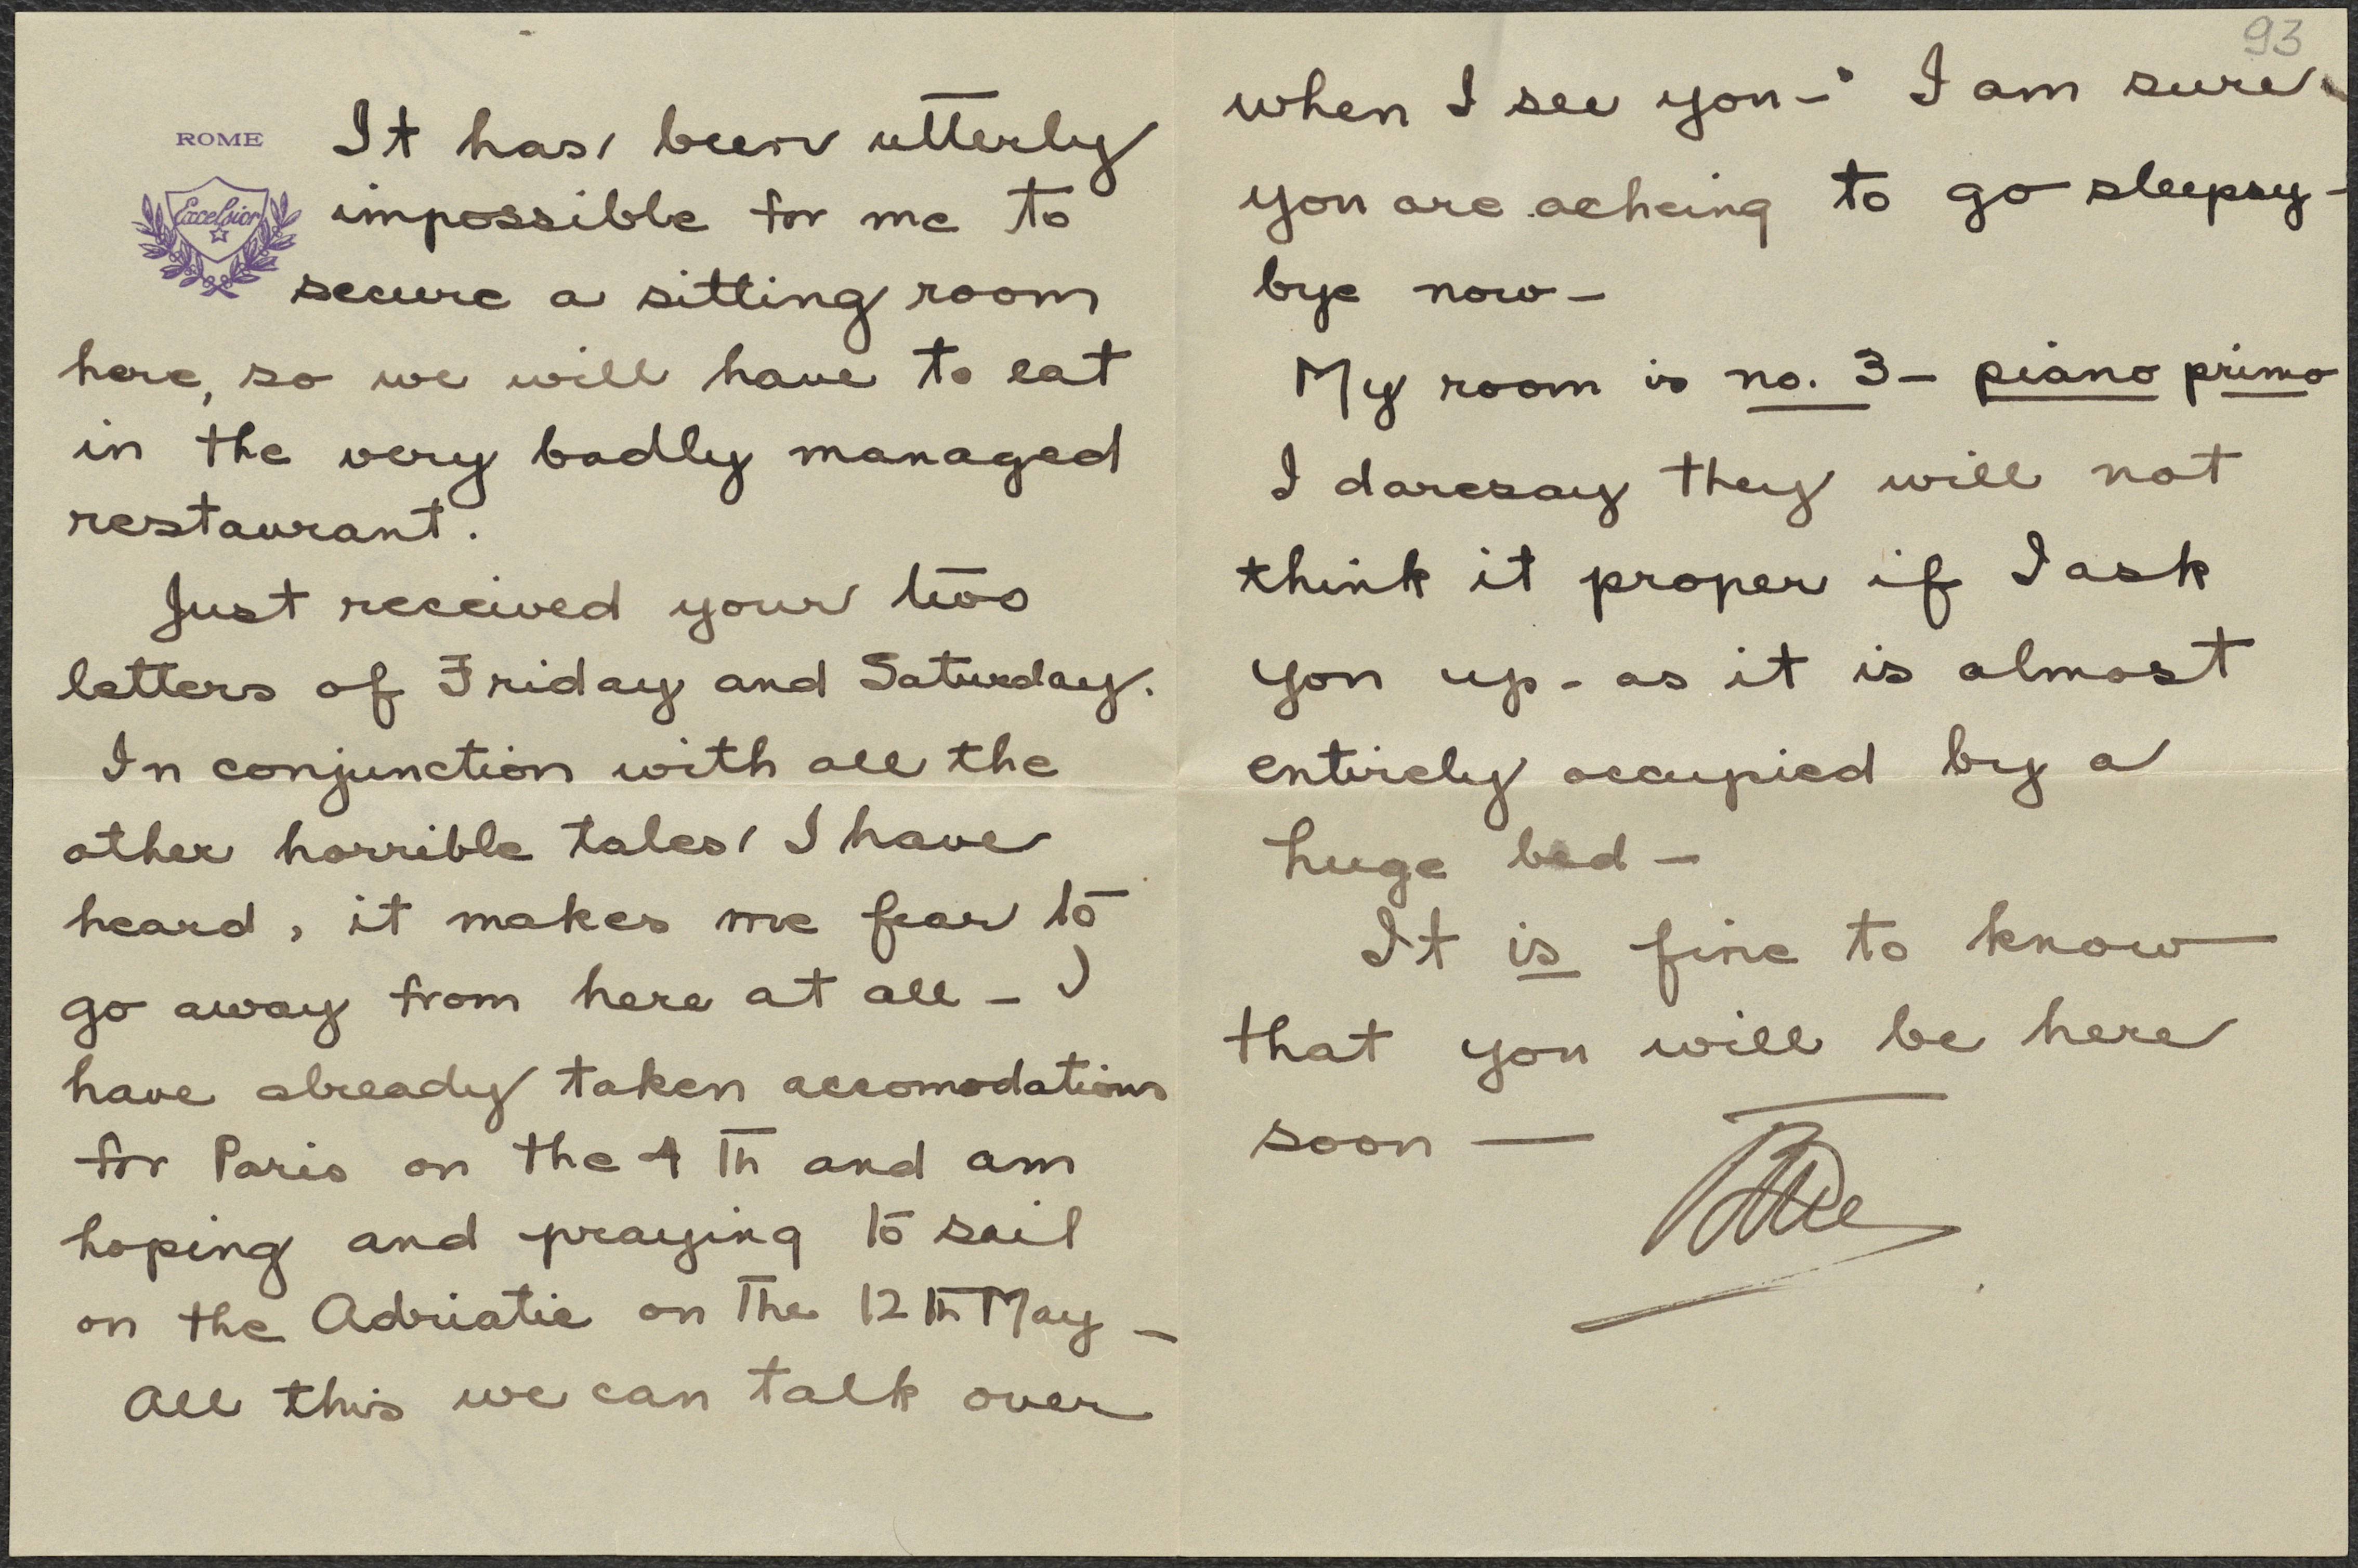It has been utterly impossible for me to secure a sitting room here, so we will have to eat in the very badly managed restaurant.
Just received your two letters of Friday and Saturday.
In conjunction with all the other horrible tales I have heard, it makes me fear to go away from here at all – I have already taken accomodation [sic] for Paris on the 4th and am hoping and praying to sail on the Adriatic on the 12th May –
All this we can talk over
when I see you – I am sure you are aching to go sleepsy – bye now –
My room is no. 3 – piano primo
I daresay they will not think it proper if I ask you up – as it is almost entirely occupied by a huge bed –
It is fine to know that you will be here soon –
Belle